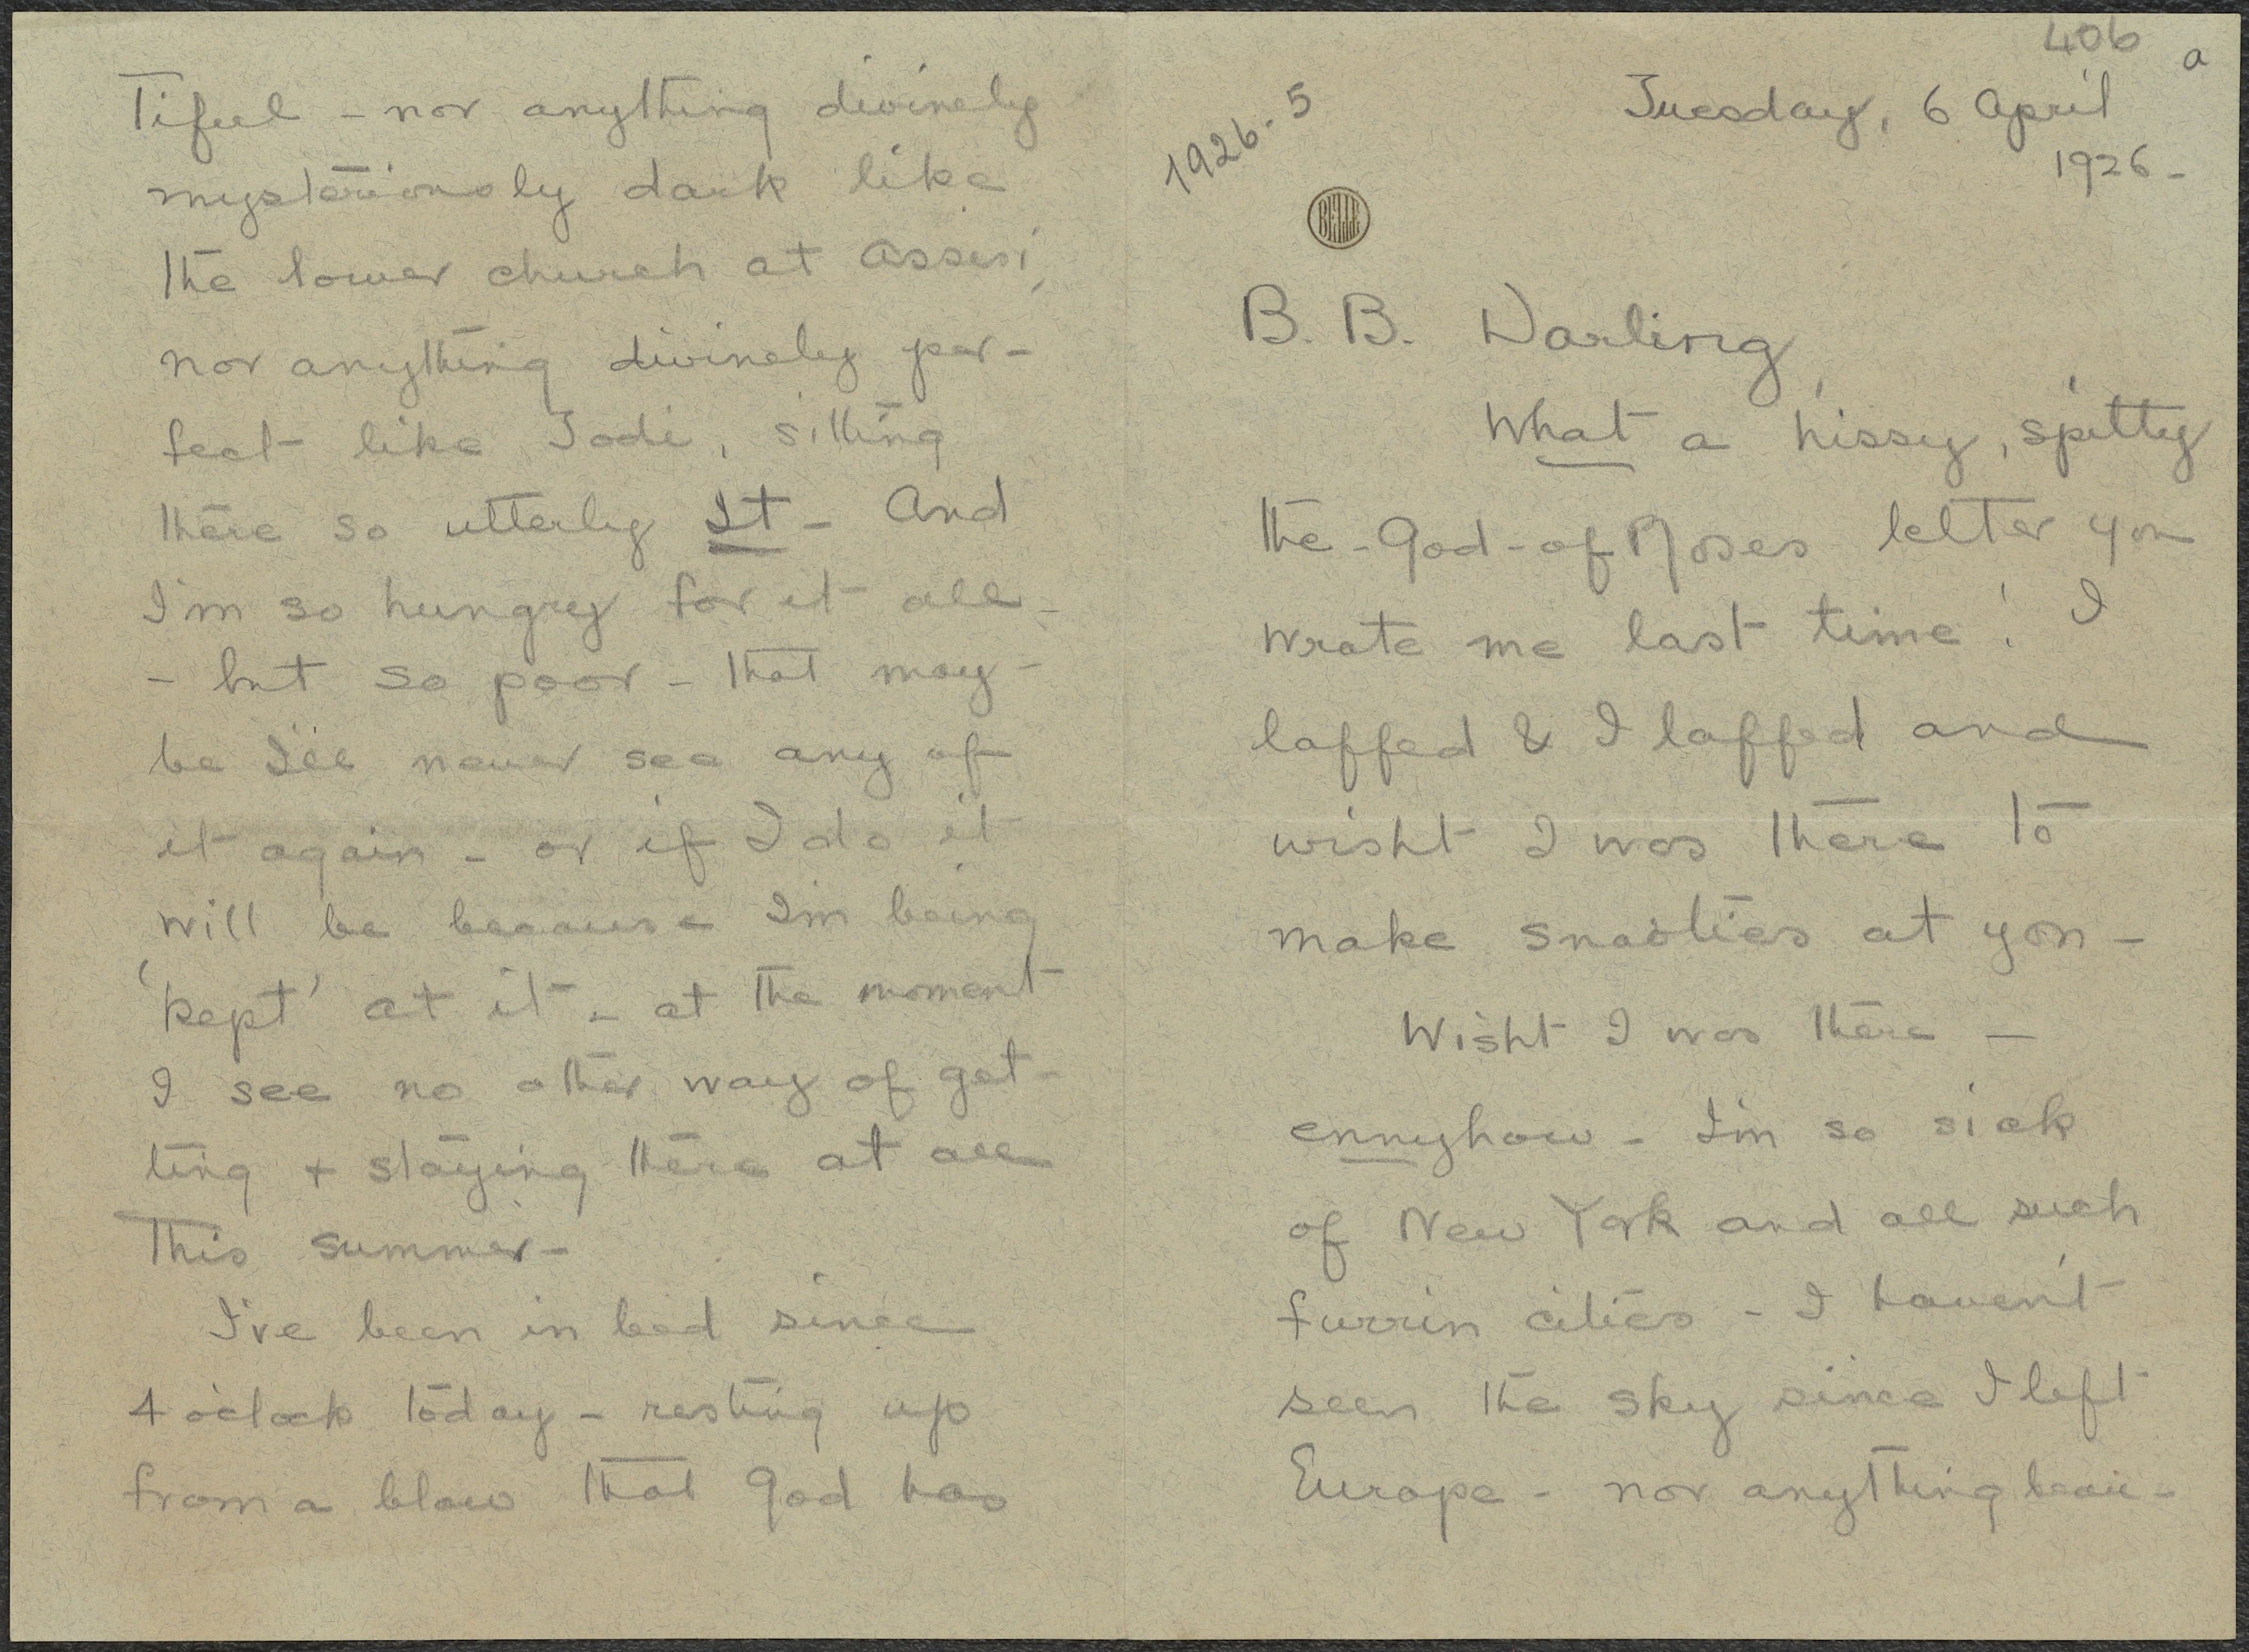January, 6 April 1926 –
B.B. Darling,
What a hissy, spitty the-God-of Moses letter you wrote me last time! I laffed & I laffed and wisht I was there to make snasties at you –
Wisht I was there – ennyhow – I’m so sick of New York and all such furrin cities – I haven’t seen the sky since I left Europe – nor anything beautiful
– nor anything divinely mysteriously dark like the lower church at Assisi, nor anything divinely perfect like Todi, sitting there so utterly It – And I’m so hungry for it all – but so poor – that maybe I'll never see any of it again – or if I do it will be because I’m being ‘kept’ at it – at the moment I see no other way of getting & staying there at all this summer –
I’ve been in bed since 4 o’clock today – resting up from a blow that God has